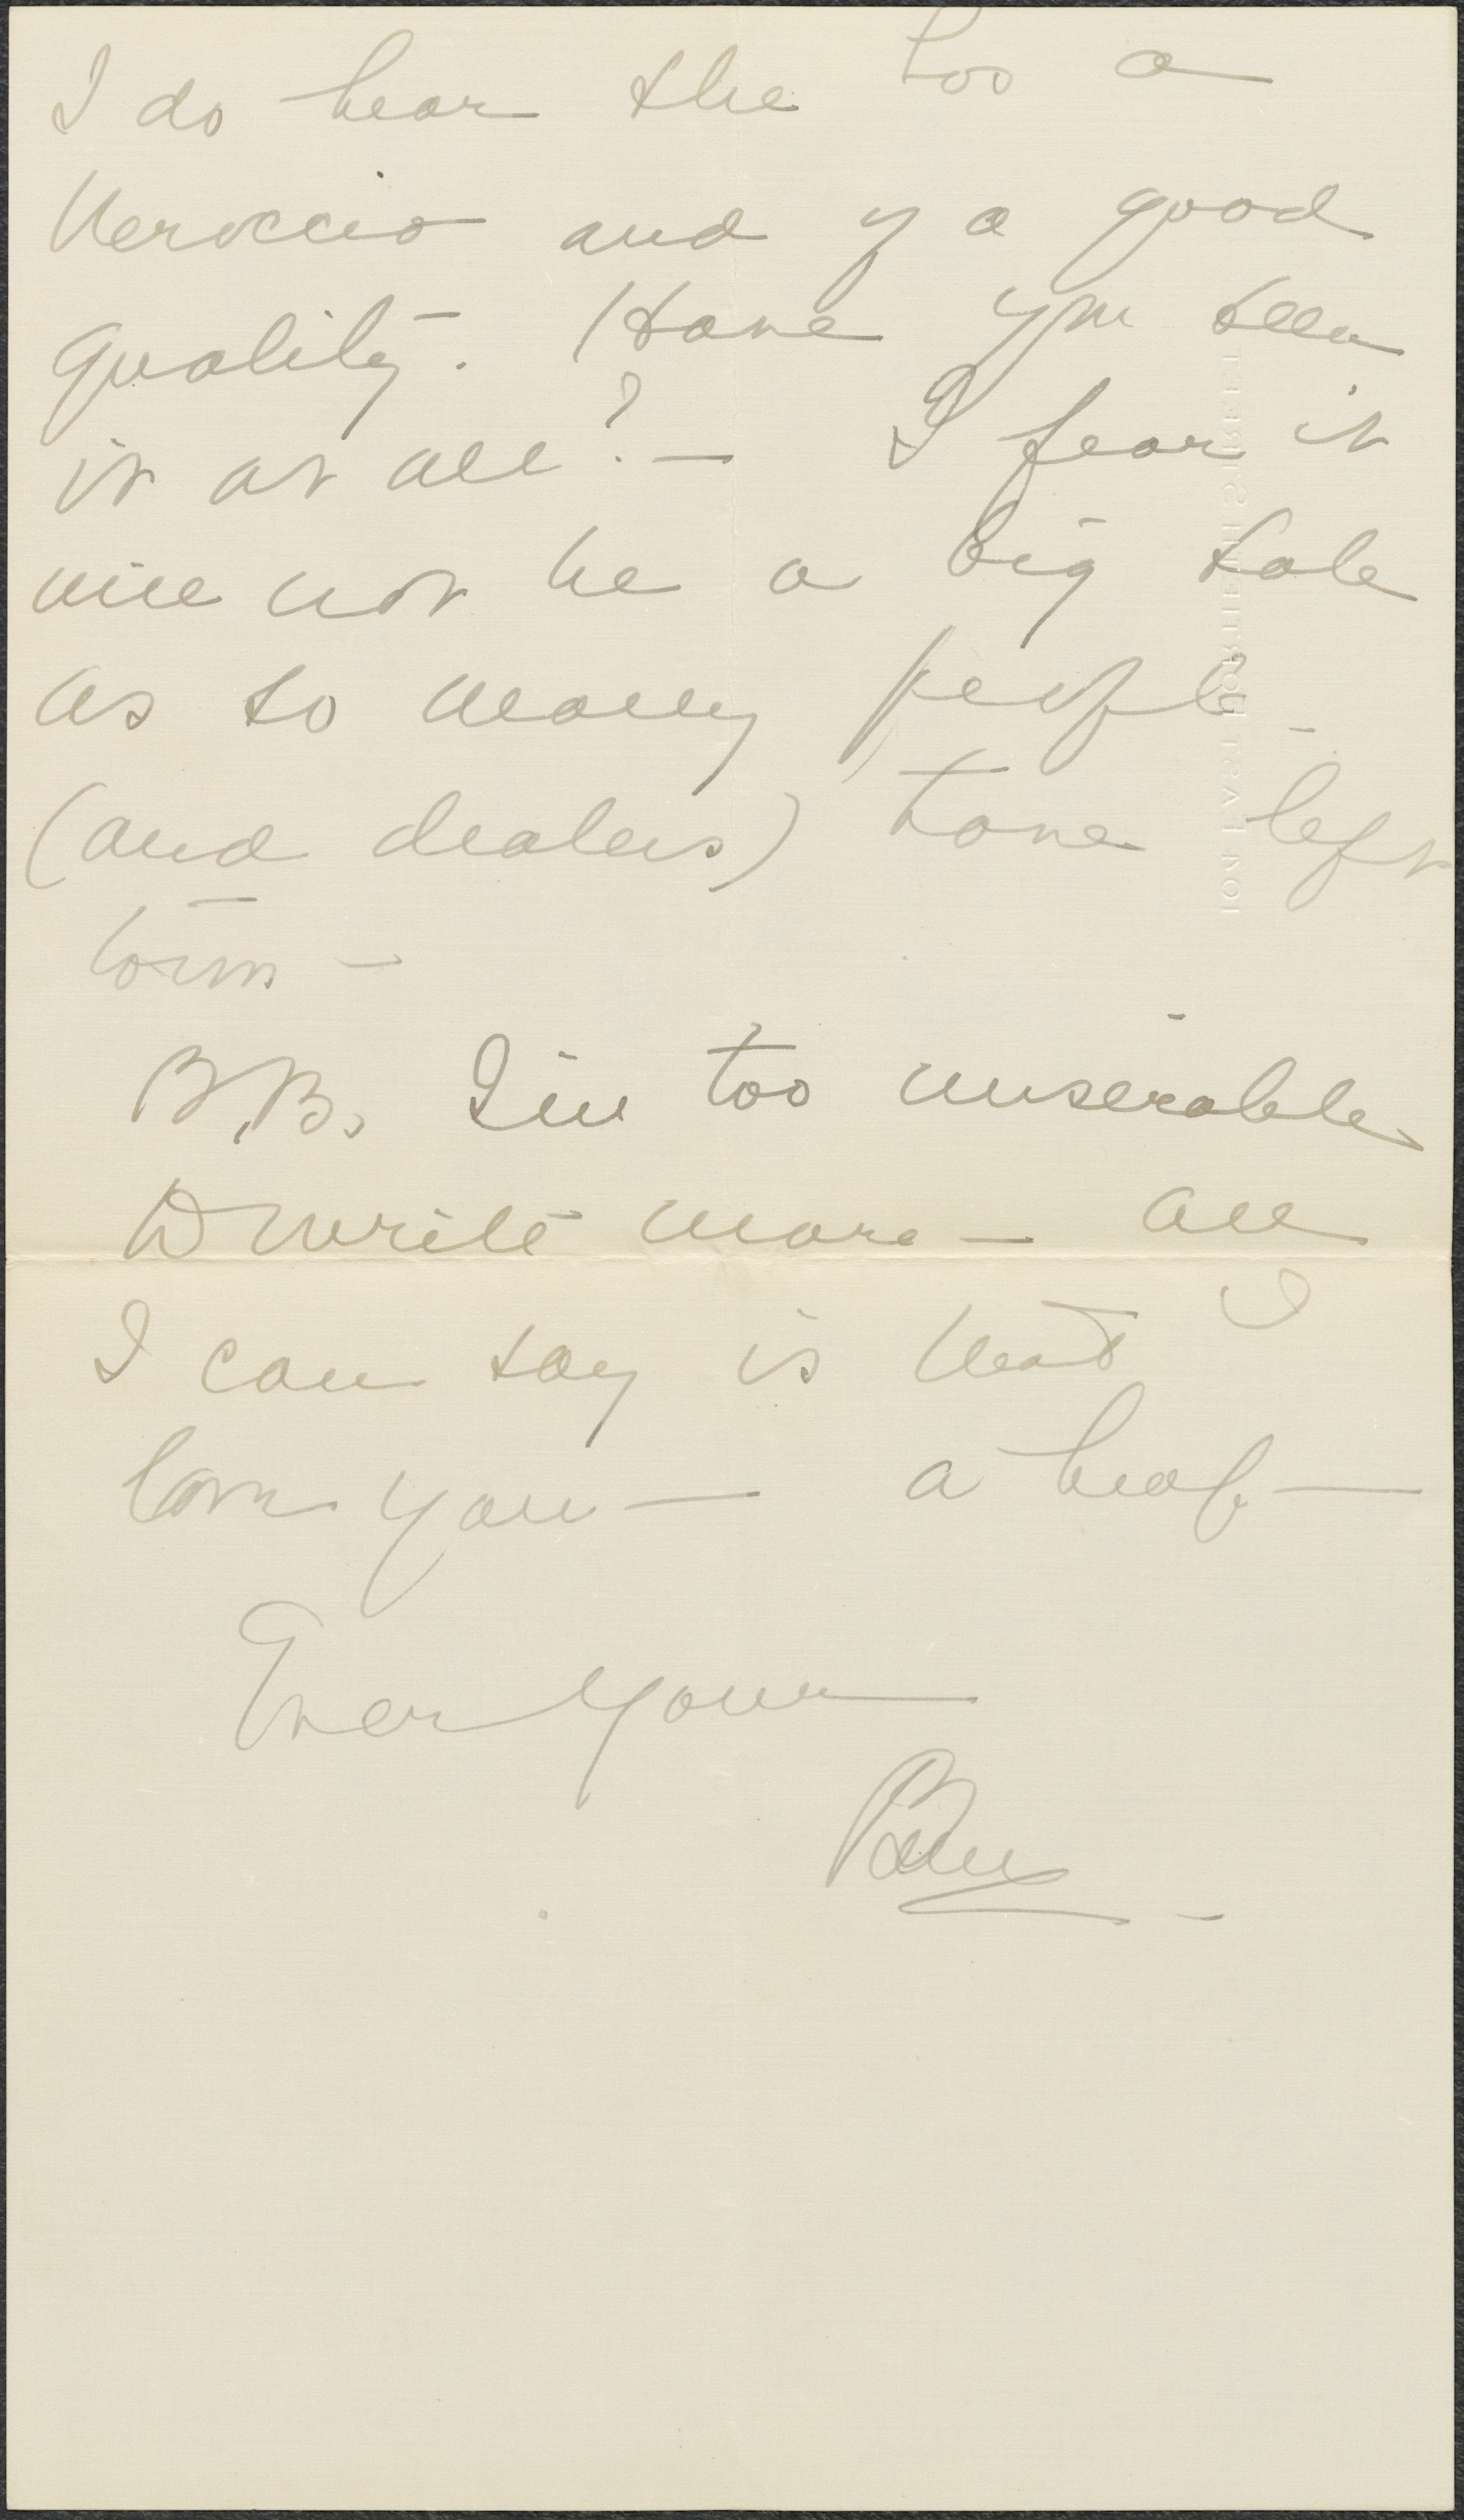I do hear she has a Veroccio [sic] and of good quality. Have you seen it at all? – I fear it will not be a big sale as so many people (and dealers) have left town –
B. B. I’m too miserable to write more – all I can say is that I love you – a heap –
Ever your
Belle